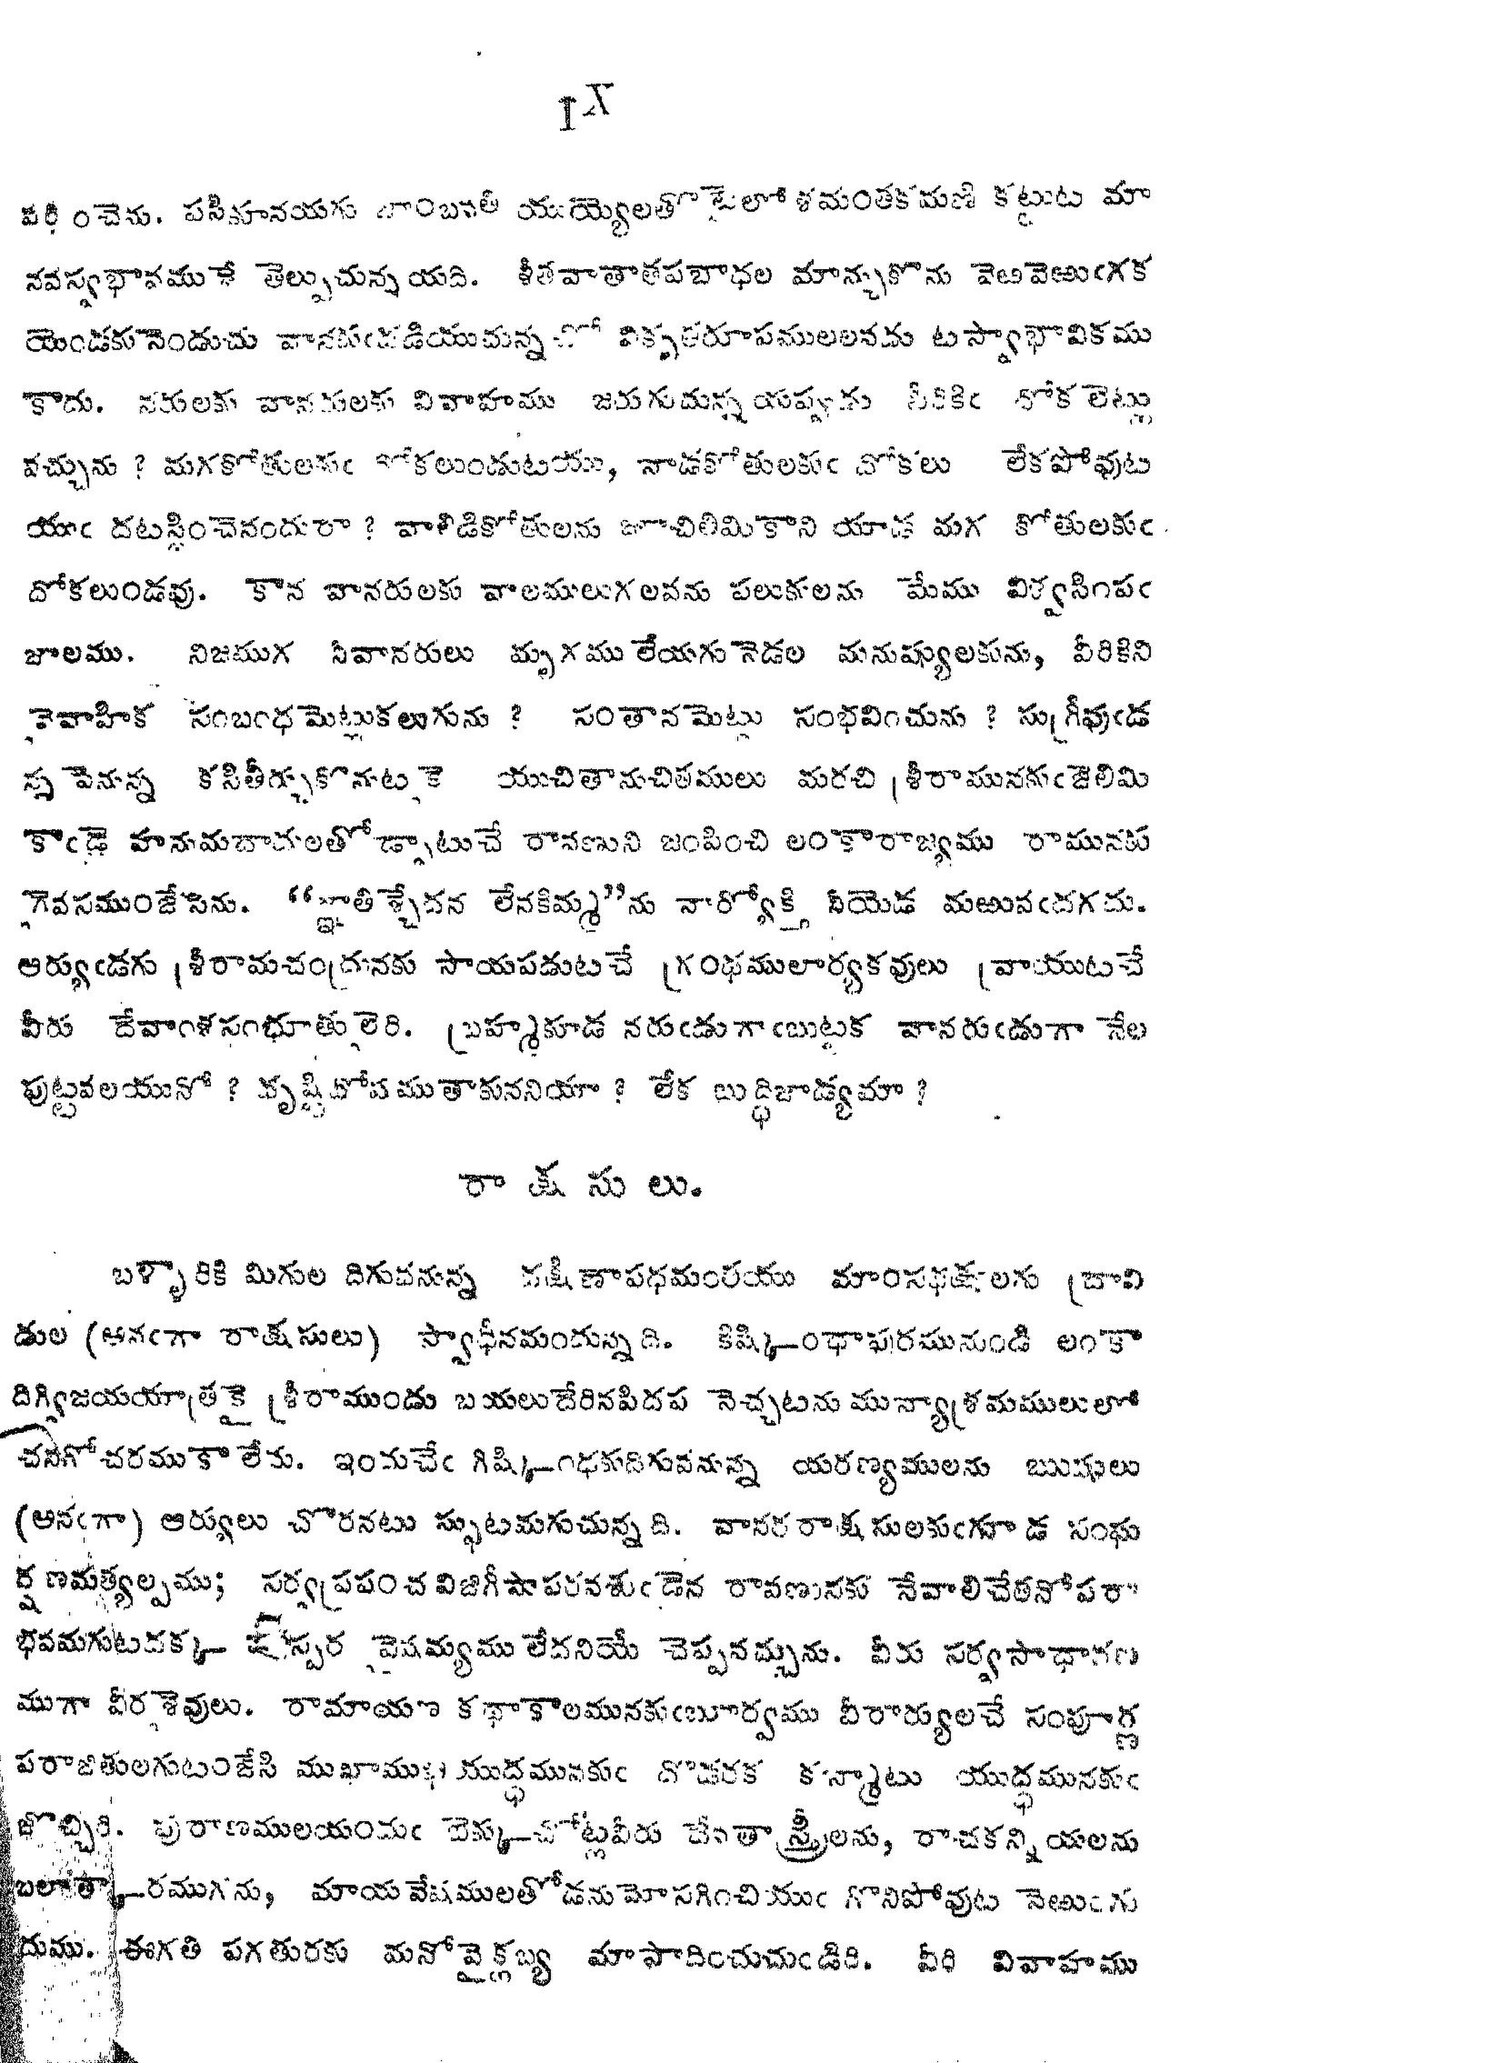వర్ణించెను. పసికూన యగు జాంబవతి యుయ్యెలలో శమంతక మణి కట్టుట మా
నవ స్వభావమునే తెల్పుచున్నయది. శీతవాతాతపబాధల మాన్చుకొను వెఱుఁగక
యెండకు నెండుచు వానకు తడియుచున్నచో - వికృకరూపములలవడు టస్వాభావికము
కాదు. సరులకు వానురులకు వివాహము జరుగుచున్న యప్పుడు వీరికి తోక లెట్లు
వచ్చును ? మగకోతులు తోకలుండుటకు, నాడు కోతులకుఁ దోకలు లేకపోవుట
యఁ దటస్థించెనందురా ? వాలిడికోతులను చూచితిమి కాని యాడ మగ కోతులకుఁ .
దోకలుండవు. కాన వానరులకు వాలములు గలవను పలుకులను మేము విశ్వసింపఁ
జాలము. నిజముగ నివానరులు మృగము లేయగు నెడల మనుష్యులకును, వీరికిని
వైవాహిక సంబంధ మెట్లుకలుగును ? సంతాన మెట్లు సంభవించును ? సుగ్రీవుఁడ
స్న పెనున్న కసితీర్చకొనుటకె యుచితానుచితములు మరచి శ్రీరామునకుఁ జెలిమి
కాఁడై హనుమచారుల తోడ్పాటుచే రావణుని జంపించి లంకా రాజ్యము రామునకు
గైవసముంజేసెను. "గ్నాతి శ్ఛేదన లేనకిమ్మ"ను నార్యోక్తి నీయెడ మఱువ దగదు.
అర్యుఁడగు | శ్రీ రామచంద్రనకు సాయపడుటచే గ్రంథములార్యకవులు వ్రాయుటచే
వీరు దేవాంశ సంభూతు లైరి. బ్రహ్మకూడ నరుఁడు గాఁ బుట్టక వానరుఁడుగా నేల
పుట్టవలయునో ? దృష్టి దోషము తాకు ననియా ! లేక బుద్ధి జాడ్యమా ?

బళ్ళారికి మిగుల దిగువనున్న దక్షిణాపధ మంతయు మాంసభక్షలగు “ద్రావి
డుల (అనఁగా రాక్షసులు) స్వాధీనమందున్న ది. కిష్కింధాపురము నుండి లంకా
దిగ్విజయయాత్రకై శ్రీ రాముండు బయలు దేరినపిదప నెచ్చటను మున్యాశ్రమములులో
చనగోచరము కాలేదు. ఇందుచేఁ గిష్కిందకు దిగువనున్న యరణ్యములను ఋషులు
(అనఁగా) ఆర్యులు చొరనటు స్ఫుటమగుచున్నది. వానర రాక్షసులకుఁగూడ సంఘ
ర్షణమత్యల్పము; సర్వప్రపంచ విజిగీషాపళనశుఁ డైన రావణునకు నేవాలి చేతనో పరా
భవమగుటదక్క - పరస్పర వైషమ్యము లేదనియే చెప్పవచ్చును. వీరు సర్వసాధారణ
ముగా వీర శైవులు. రామాయణ కథాకాలమునకు పూర్వము వీరార్యులచే సంపూర్ణ
పరాజితులగుటం జేసి ముఖాముఖి, ముద్ధమునకుఁ దొడరక కన్మాటు యుద్ధమునకుఁ
జొచ్చిరి. పురాణముల యందు బెక్కు చోట్ల వీరు దేవతా స్త్రీలను, రాచకన్నియలను
బలాత్కారముగను, మాయ వేషముల తోడను మోసగించియుఁ గొనిపోవుట నెఱుం
దుము. ఈగతి పగతురకు మనోవైక్లబ్య మాసాదించుచుండిరి. వీరి వివాహము